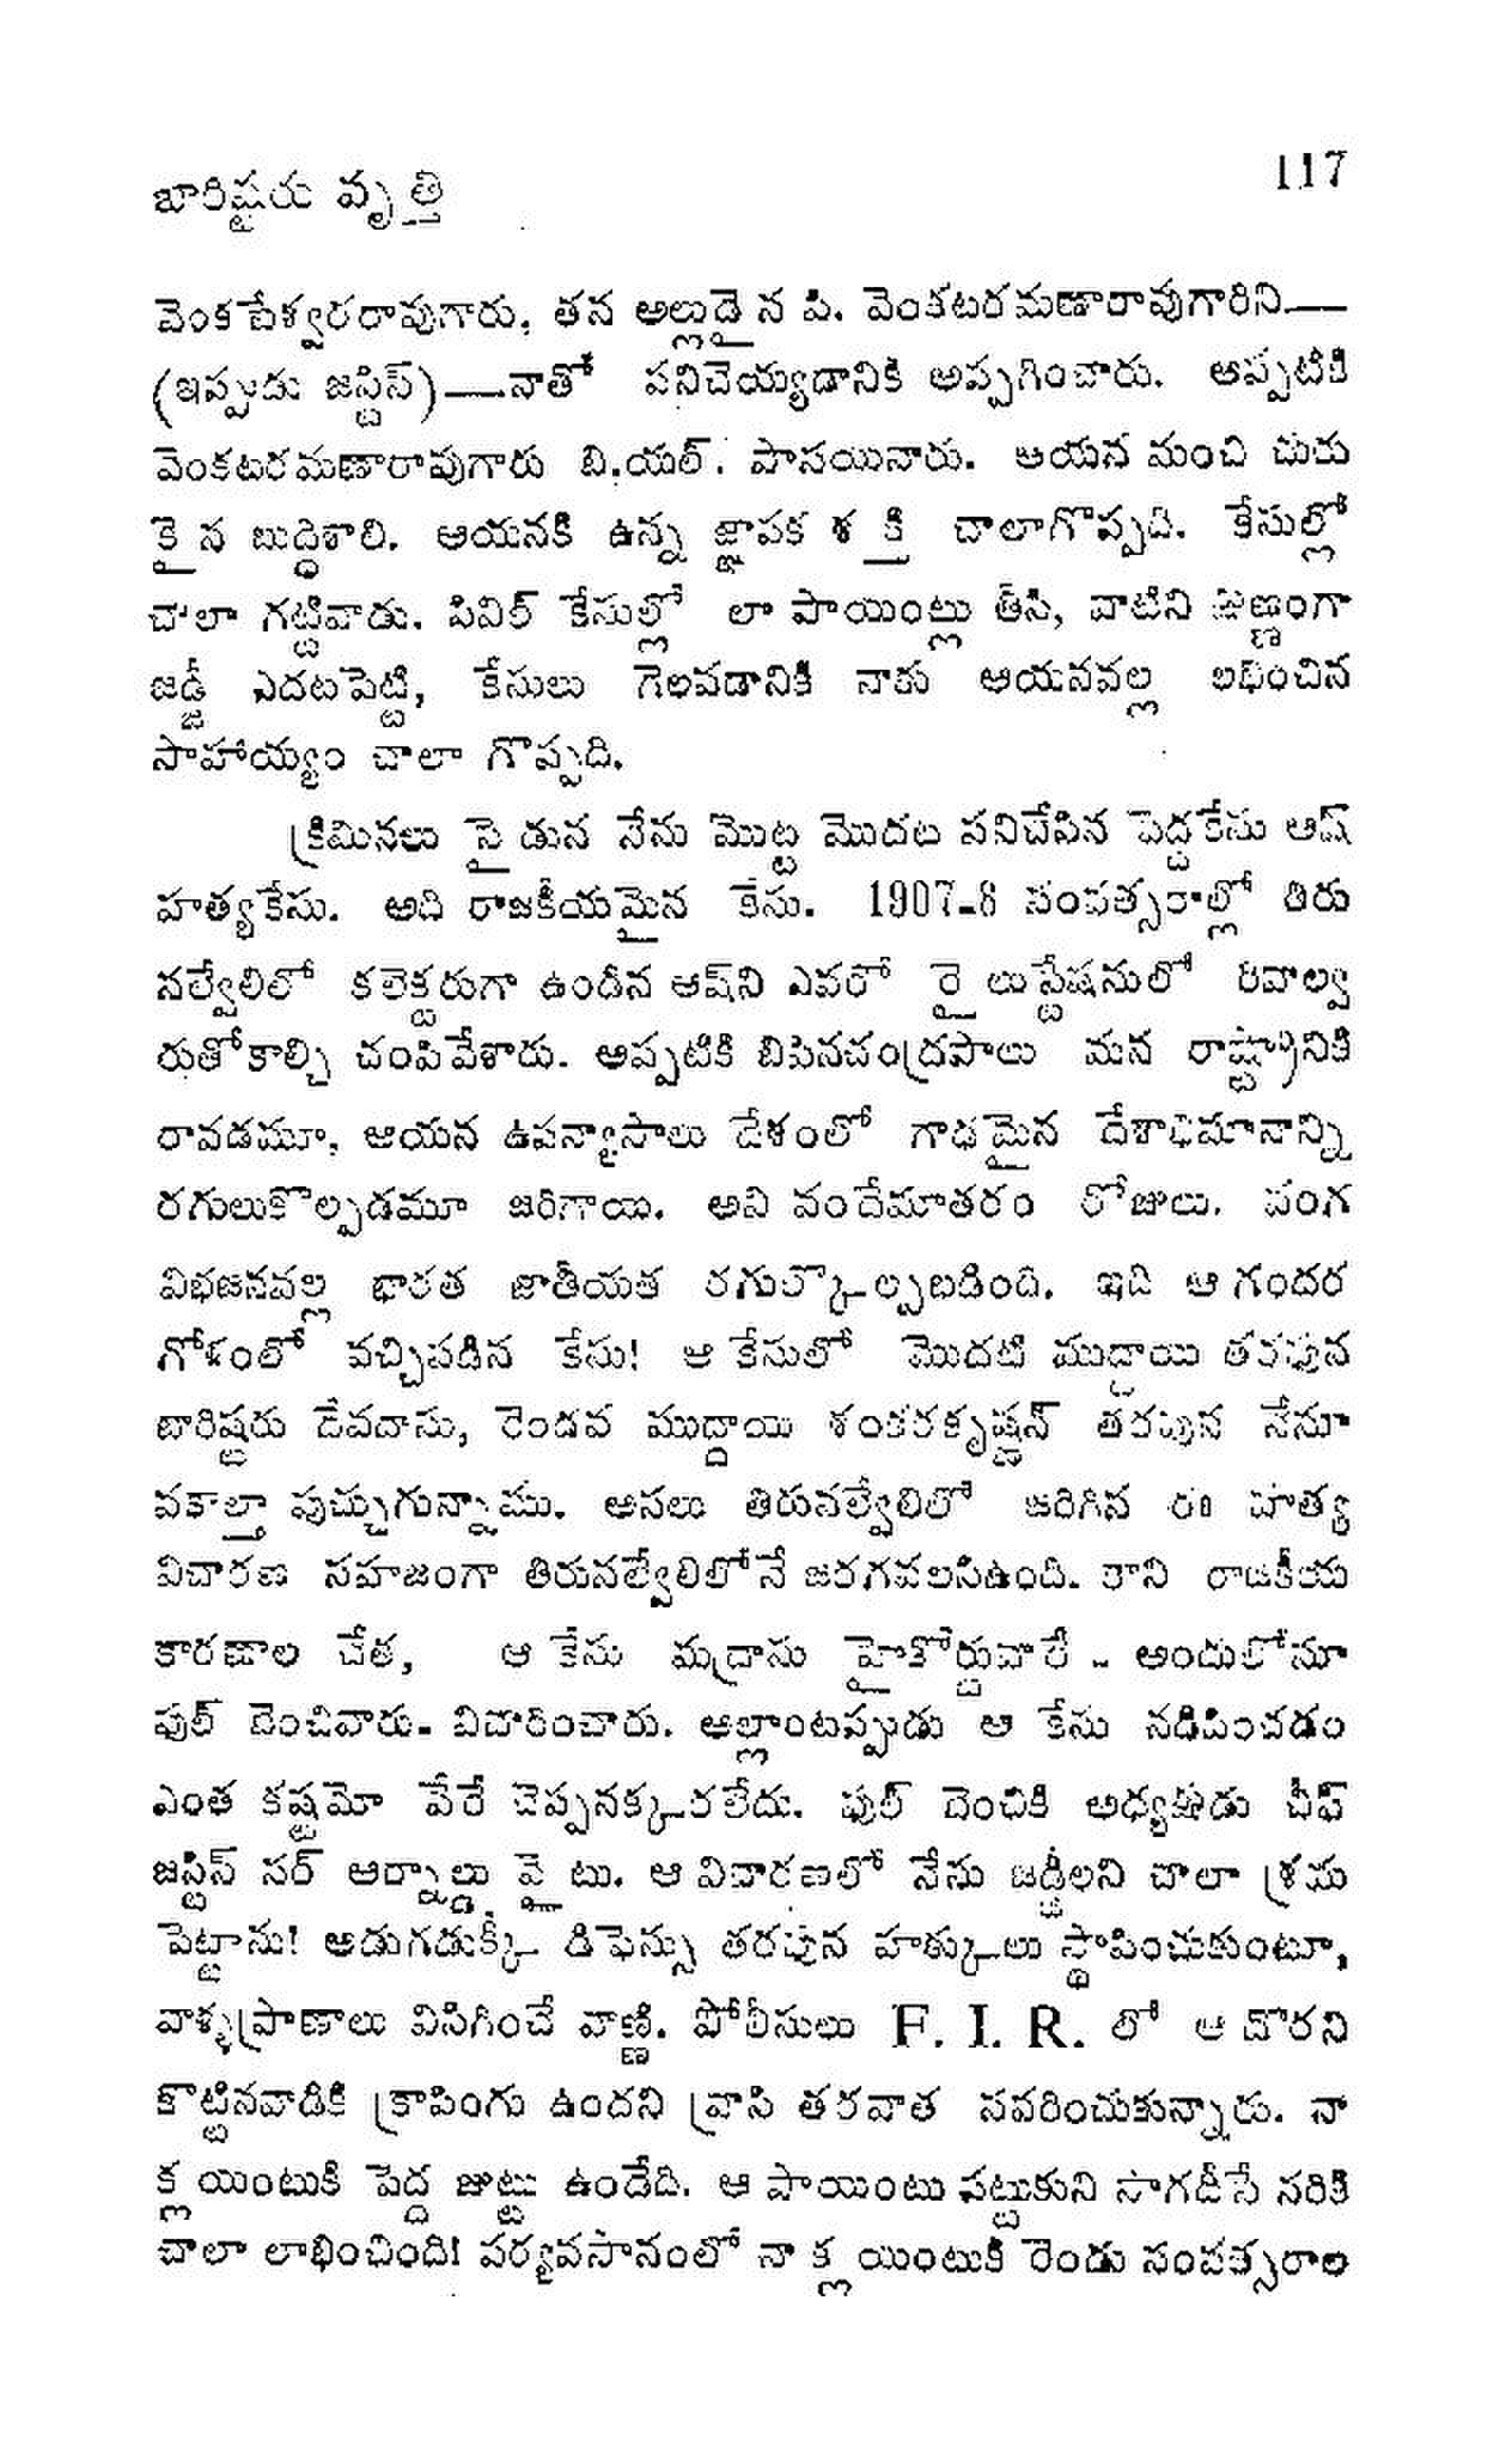వెంకటేశ్వరరావుగారు, తన అల్లుడైన పి. వెంకటరమణారావుగారిని - (ఇప్పుడు జస్టిస్) - నాతో పనిచెయ్యడానికి అప్పగించారు. అప్పటికి వెంకటరమణారావుగారు బి. యల్. పాసయినారు. ఆయన మంచి చురుకైన బుద్ధిశాలి. ఆయనకి ఉన్న జ్ఞాపక శక్తి చాలాగొప్పది. కేసుల్లో చాలా గట్టివాడు. సివిల్ కేసుల్లో లా పాయింట్లు తీసి, వాటిని క్షుణ్ణంగా జడ్జీ ఎదటపెట్టి, కేసులు గెలవడానికి నాకు ఆయనవల్ల లభించిన సాహాయ్యం చాలా గొప్పది.

క్రిమినలు సైడున నేను మొట్ట మొదట పనిచేసిన పెద్దకేసు ఆష్ హత్యకేసు. అది రాజకీయమైన కేసు. 1907-8 సంవత్సరాల్లో తిరునల్వేలిలో కలెక్టరుగా ఉండిన ఆష్‌ని ఎవరో రైలుస్టేషనులో రివాల్వరుతోకాల్చి చంపివేశారు. అప్పటికి బిపినచంద్రపాలు మన రాష్ట్రానికి రావడమూ, ఆయన ఉపన్యాసాలు దేశంలో గాఢమైన దేశాభిమానాన్ని రగులుకొల్పడమూ జరిగాయి. అవి వందేమాతరం రోజులు. వంగ విభజనవల్ల భారత జాతీయత రగుల్కొల్పబడింది. ఇది ఆ గందరగోళంలో వచ్చిపడిన కేసు! ఆ కేసులో మొదటి ముద్దాయి తరపున బారిష్టరు దేవదాసు, రెండవ ముద్దాయి శంకరకృష్ణన్ తరపున నేనూ వకాల్తా పుచ్చుగున్నాము. అసలు తిరునల్వేలిలో జరిగిన ఈ హత్య విచారణ సహజంగా తిరునల్వేలిలోనే జరగవలసి ఉంది. కాని రాజకీయ కారణాల చేత, ఆ కేసు మద్రాసు హైకోర్టువారే - అందులోనూ పుల్ బెంచివారు - విచారించారు. అల్లాంటప్పుడు ఆ కేసు నడిపించడం ఎంత కష్టమో వేరే చెప్పనక్కరలేదు. పుల్ బెంచికి అధ్యక్షుడు చీఫ్ జస్టిస్ సర్ ఆర్నాల్డు వైటు. ఆ విచారణలో నేను జడ్జీలని చాలా శ్రమ పెట్టాను! అడుగడుక్కీ డిఫెన్సు తరపున హక్కులు స్థాపించుకుంటూ, వాళ్ళప్రాణాలు విసిగించే వాణ్ణి. పోలీసులు F.I.R. లో ఆ దొరని కొట్టినవాడికి క్రాపింగు ఉందని వ్రాసి తరవాత సవరించుకున్నారు. నా క్లయింటుకి పెద్ద జుట్టు ఉండేది. ఆ పాయింటు పట్టుకుని సాగదీసే సరికి చాలా లాభించింది! పర్యవసానంలో నా క్లయింటుకి రెండు సంవత్సరాల